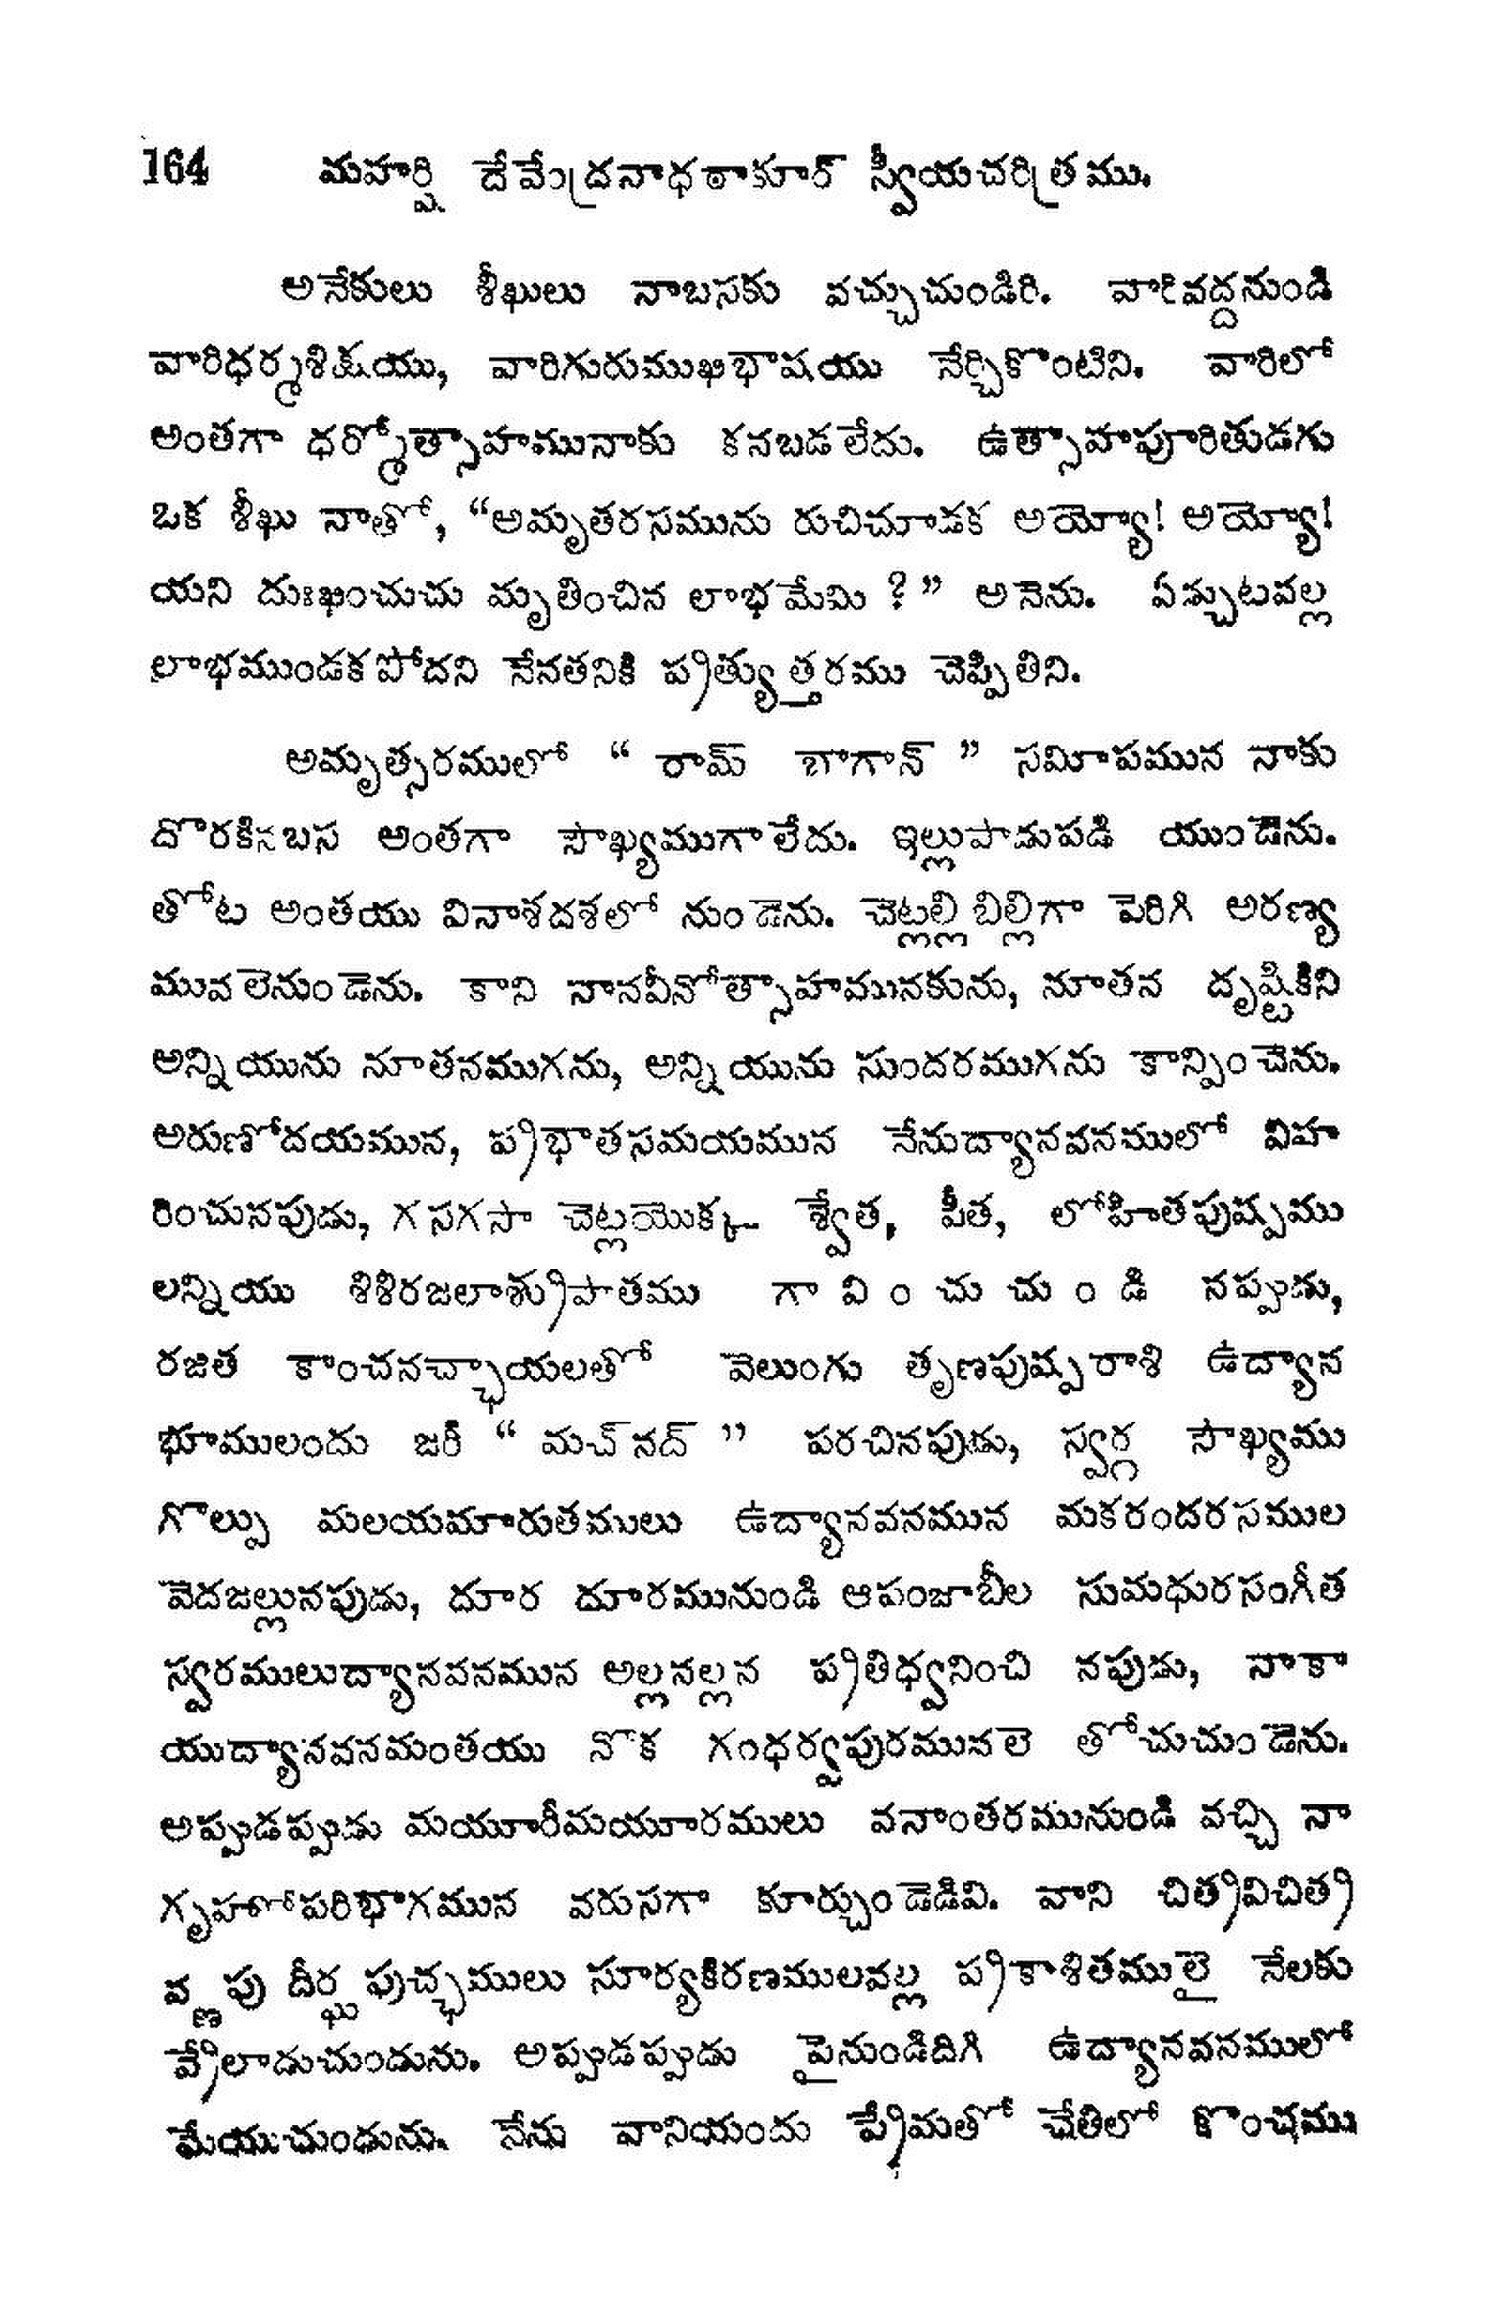అనేకులు శీఖులు నాబసకు వచ్చుచుండిరి. వారి వద్దనుండి
వారీధర్మశిక్షయు, వారిగురుముఖి భాషయు నేర్చికొంటిని, వారిలో
అంతగా ధర్మోత్సాహము నాకు కనబడ లేదు. ఉత్సాహపూరితుడగు
ఒక శీఖు నాతో, “అమృతరసమును రుచిచూడక అయ్యో! అయ్యో!
యని దుఃఖించుచు మృతించిన లాభమేమి ? ” అనెను. ఏన్చుటవల్ల
లాభముండక పోదని నేనతనికి ప్రత్యుత్తరము చెప్పితిని.

అమృత్సరములో రామ్ బాగాన్ " సమీపమున నాకు
దొరకిన బస అంతగా సౌఖ్యముగా లేదు. ఇల్లుపాడుపడి యుండెను.
తోట అంతయు వినాశదశలో నుండెను. చెట్లల్లి బిల్లిగా పెరిగి అరణ్య
ము వలెనుండెను. కాని నానవీనోత్సాహమునకును, నూతన దృష్టికిని
అన్నియును నూతనముగను, అన్నియును సుందరముగను కాన్పించెను.
అరుణోదయమున, ప్రభాత సమయమున నేనుద్యానవనములో విహ
రించునపుడు, గసగసా చెట్ల యొక్క శ్వేత, పీత, లోహిత పుష్పము
లన్నియు శిశీరజలాశ్రుపాతము గా వించు చుండి నప్పుడు,
రజత కాంచనచ్ఛాయలతో వెలుంగు తృణపుష్పరాశీ ఉద్యాన
భూములందు జరీ " మచ్ నద్ " పరచినపుడు, స్వర్గ సౌఖ్యము
గొల్పు మలయమారుతములు ఉద్యానవనమున మకరందరసముల
'వెదజల్లునపుడు, దూర దూరమునుండి ఆ పంజాబీల సుమధుర సంగీత
స్వరములు ద్యానవనమున అల్లనల్లన ప్రతిధ్వనించి నపుడు, నాకా
యుద్యానవనమంతయు నొక గంధర్వ పురమువలె తోచుచుండెను.
అప్పుడప్పుడు మయూరీ మయూరములు వనాంతరము నుండి వచ్చి నా
గృహోపరిభాగమున వరుసగా కూర్చుండెడివి. వాని చిత్ర విచిత
వపు దీర్ఘ పుచ్ఛములు సూర్యకిరణములవల్ల ప్రకాశితములై నేలకు
వేలాడుచుండును. అప్పుడప్పుడు పైనుండిదిగి ఉద్యానవనములో
మేయుచుండును. నేను వానియందు ప్రేమతో చేతిలో కొంచము